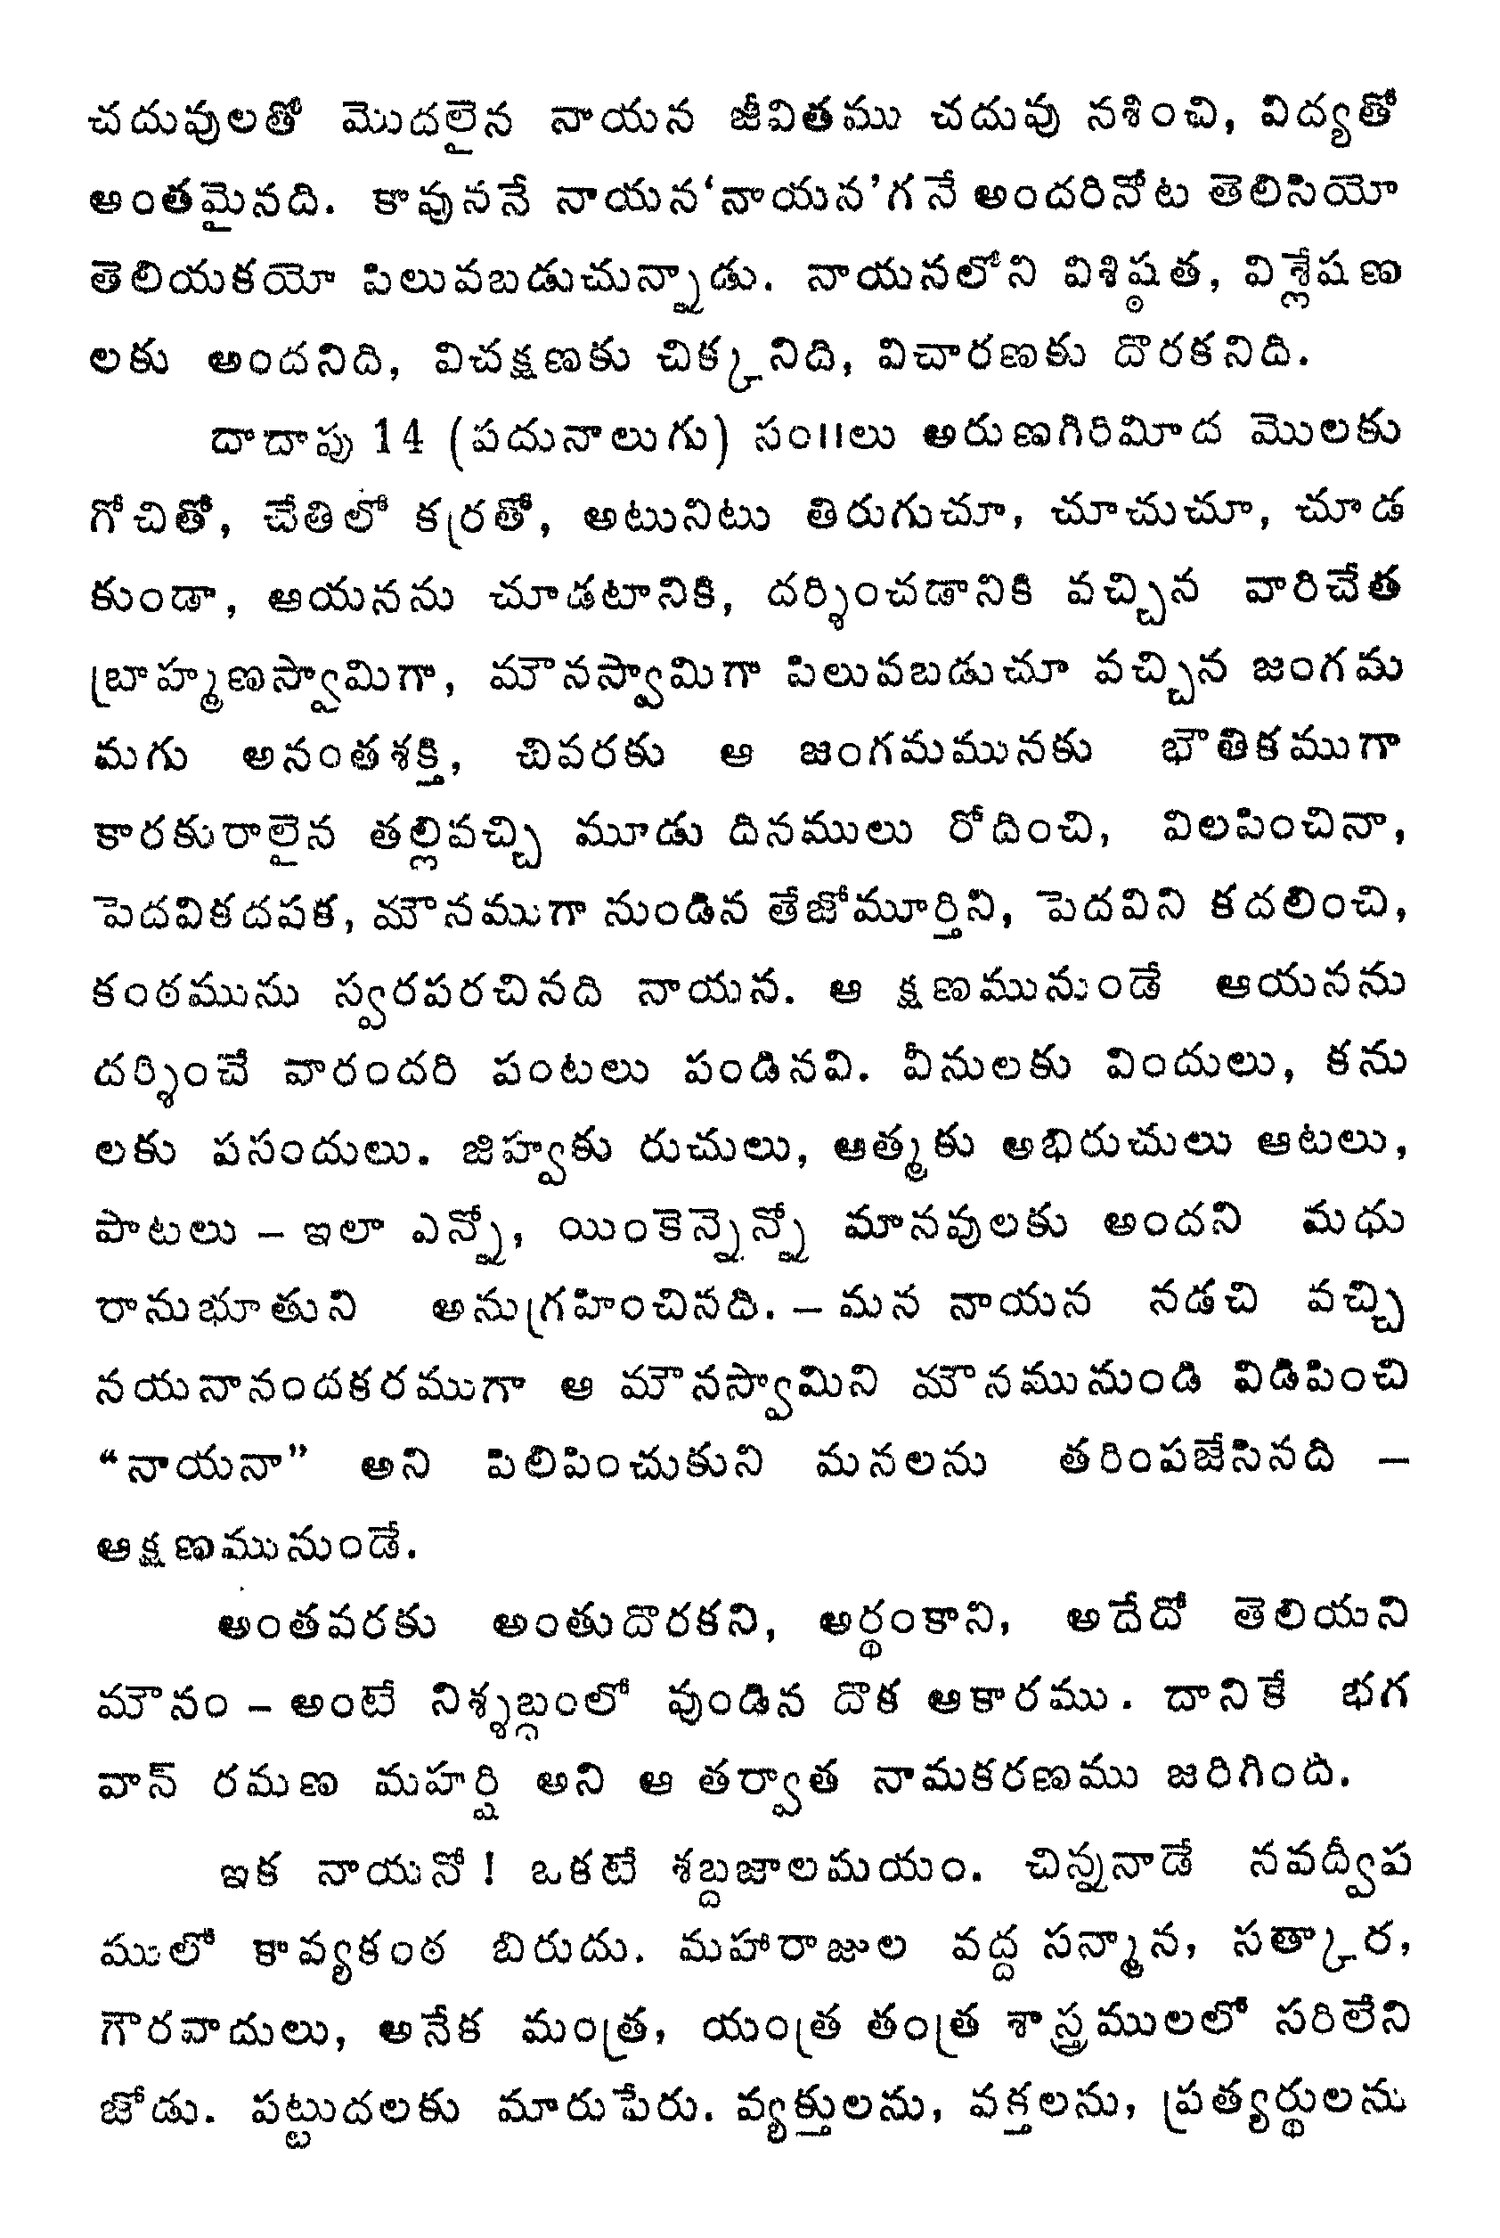చదువులతో మొదలైన నాయన జీవితము చదువు నశించి, విద్యతో అంతమైనది. కావుననే నాయన 'నాయన'గనే అందరినోట తెలిసియో తెలియకయో పిలువబడుచున్నాడు. నాయనలోని విశిష్ఠత, విశ్లేషణలకు అందనిది, విచక్షణకు చిక్కనిది, విచారణకు దొరకనిది.

దాదాపు 14 (పదునాలుగు) సం||లు అరుణగిరిమీద మొలకు గోచితో, చేతిలో కర్రతో, అటునిటు తిరుగుచూ, చూచుచూ, చూడకుండా, ఆయనను చూడటానికి, దర్శించడానికి వచ్చిన వారిచేత బ్రాహ్మణస్వామిగా, మౌనస్వామిగా పిలువబడుచూ వచ్చిన జంగమ మగు అనంతశక్తి, చివరకు అ జంగమమునకు భౌతికముగా కారకురాలైన తల్లివచ్చి మూడు దినములు రోదించి, విలపించినా, పెదవికదపక, మౌనముగా నుండిన తేజోమూర్తిని, పెదవిని కదిలించి, కంఠమును స్వరపరచినది నాయన. అ క్షణమునుండే ఆయనను దర్శించే వారందరి పంటలు పండినవి. వీనులకు విందులు, కనులకు పసందులు. జిహ్వకు రుచులు, ఆత్మకు అభిరుచులు ఆటలు, పాటలు - ఇలా ఎన్నో, యింకెన్నెన్నో మానవులకు అందని మధురానుభూతిని అనుగ్రహించినది. - మన నాయన నడచి వచ్చి నయనానందకరముగా ఆ మౌనస్వామిని మౌనమునుండి విడిపించి "నాయనా' అని పిలిపించుకొని మనలను తరింపజేసినది - ఆ క్షణమునుండే.

అంతవరకు అంతుదొరకని, అర్థంకాని, అదేదో తెలియని మౌనం - అంటే నిశ్శబ్దంలో వుండిన దొక ఆకారము. దానికే భగవాన్ రమణ మహర్షి అని తర్వాత నామకరణము జరిగింది.

ఇక నాయనో! ఒకటే శబ్దజాలమయం. చిన్ననాడే నవద్వీపములో కావ్యకంఠ బిరుదు. మహారాజుల వద్ద సన్మాన, సత్కార, గౌరవాదులు, అనేక మంత్ర, యంత్ర తంత్ర శాస్త్రములలో సరిలేని జోడు. పట్టుదలకు మారుపేరు. వ్యక్తులను, వక్తలను, ప్రత్యర్థులను